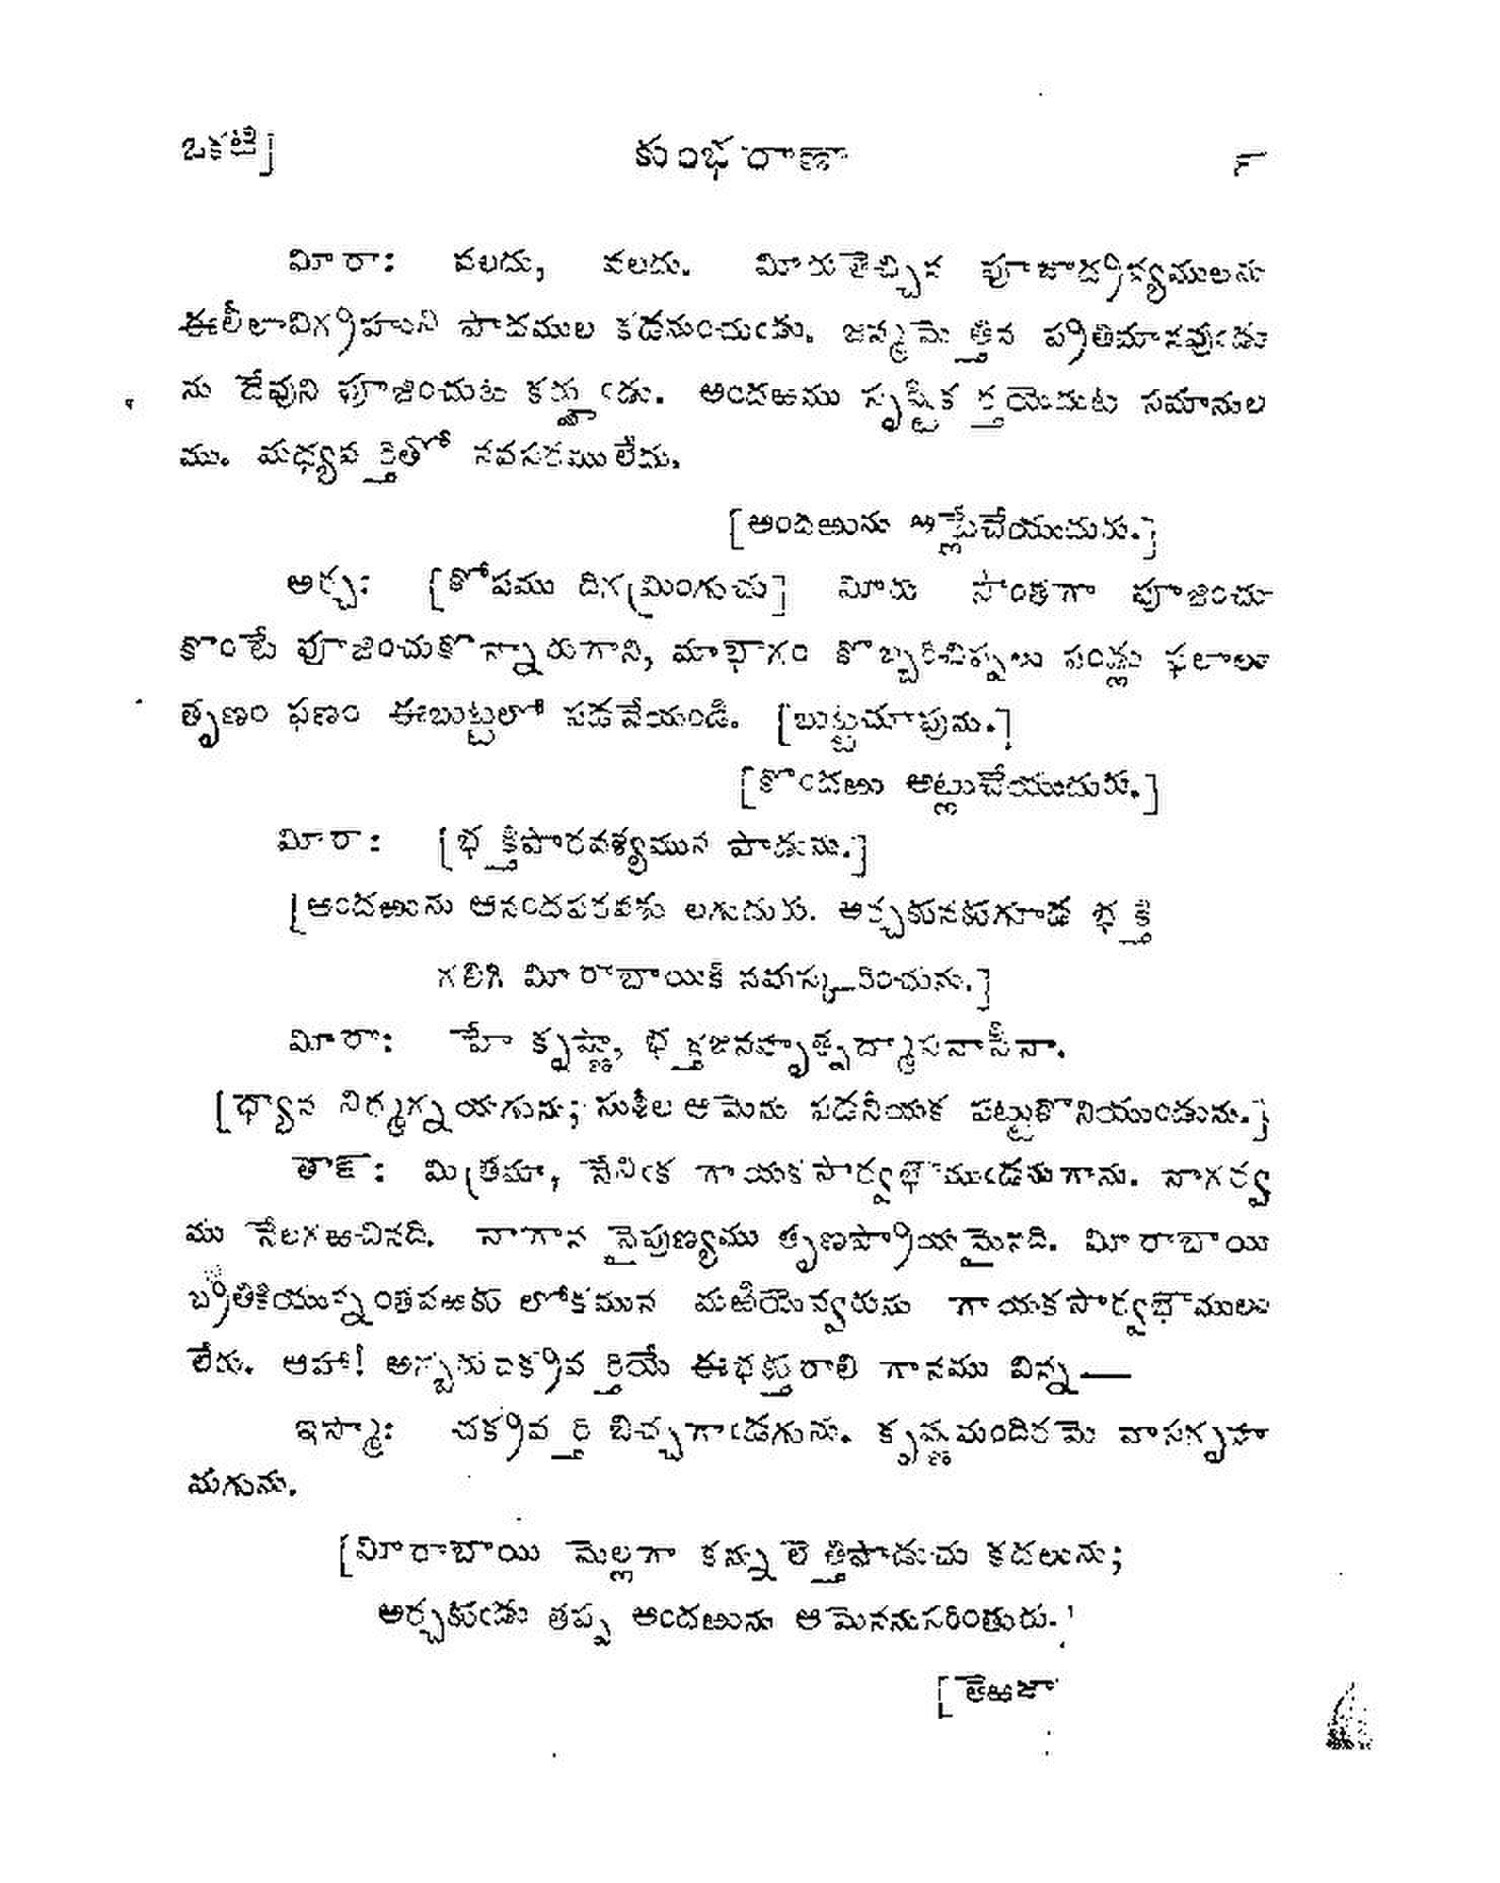మీరా : వలదు, వలదు. మీరుతెచ్చిన పూజాద్రవ్యములను ఈలీలావిగ్రహుని పాదముల కడనుంచుఁడు. జన్మమెత్తిన ప్రతిమానవుఁడును దేవుని పూజించుట కర్హుఁడు. అందఱము సృష్టికర్తయెదుట సమానులము మధ్యవర్తితో నవసరములేదు.

అర్చ : [కోపము దిగమ్రింగుచు] మీరు సొంతగా పూజించుకొంటే పూజించుకొన్నారుగాని, మాభాగం కొబ్బరిచిప్పలు పండ్లు ఫలాలు తృణం ఫణం ఈబుట్టలో పడవేయండి. [బుట్టచూపును.]

మీరా : [భక్తిపారవశ్యమున పాడును.]

మీరా : హే కృష్ణా, భక్తజనహృత్పద్మాసనాసీనా.

తాన్ : మిత్రమా, నేనిఁక గాయక సార్వభౌముఁడనుగాను. నాగర్వము నేలగఱచినది. నాగాన నైపుణ్యము తృణప్రాయమైనది. మీరాబాయి బ్రతికియున్నంతవఱకు లోకమున మఱియెవ్వరును గాయకసార్వభౌములు లేరు. ఆహా ! అగ్బరు చక్రవర్తియే ఈభక్తురాలి గానము విన్న -

ఇస్మా : చక్రవర్తి బిచ్చగాఁడగును. కృష్ణమందిరమె వాసగృహమగును.